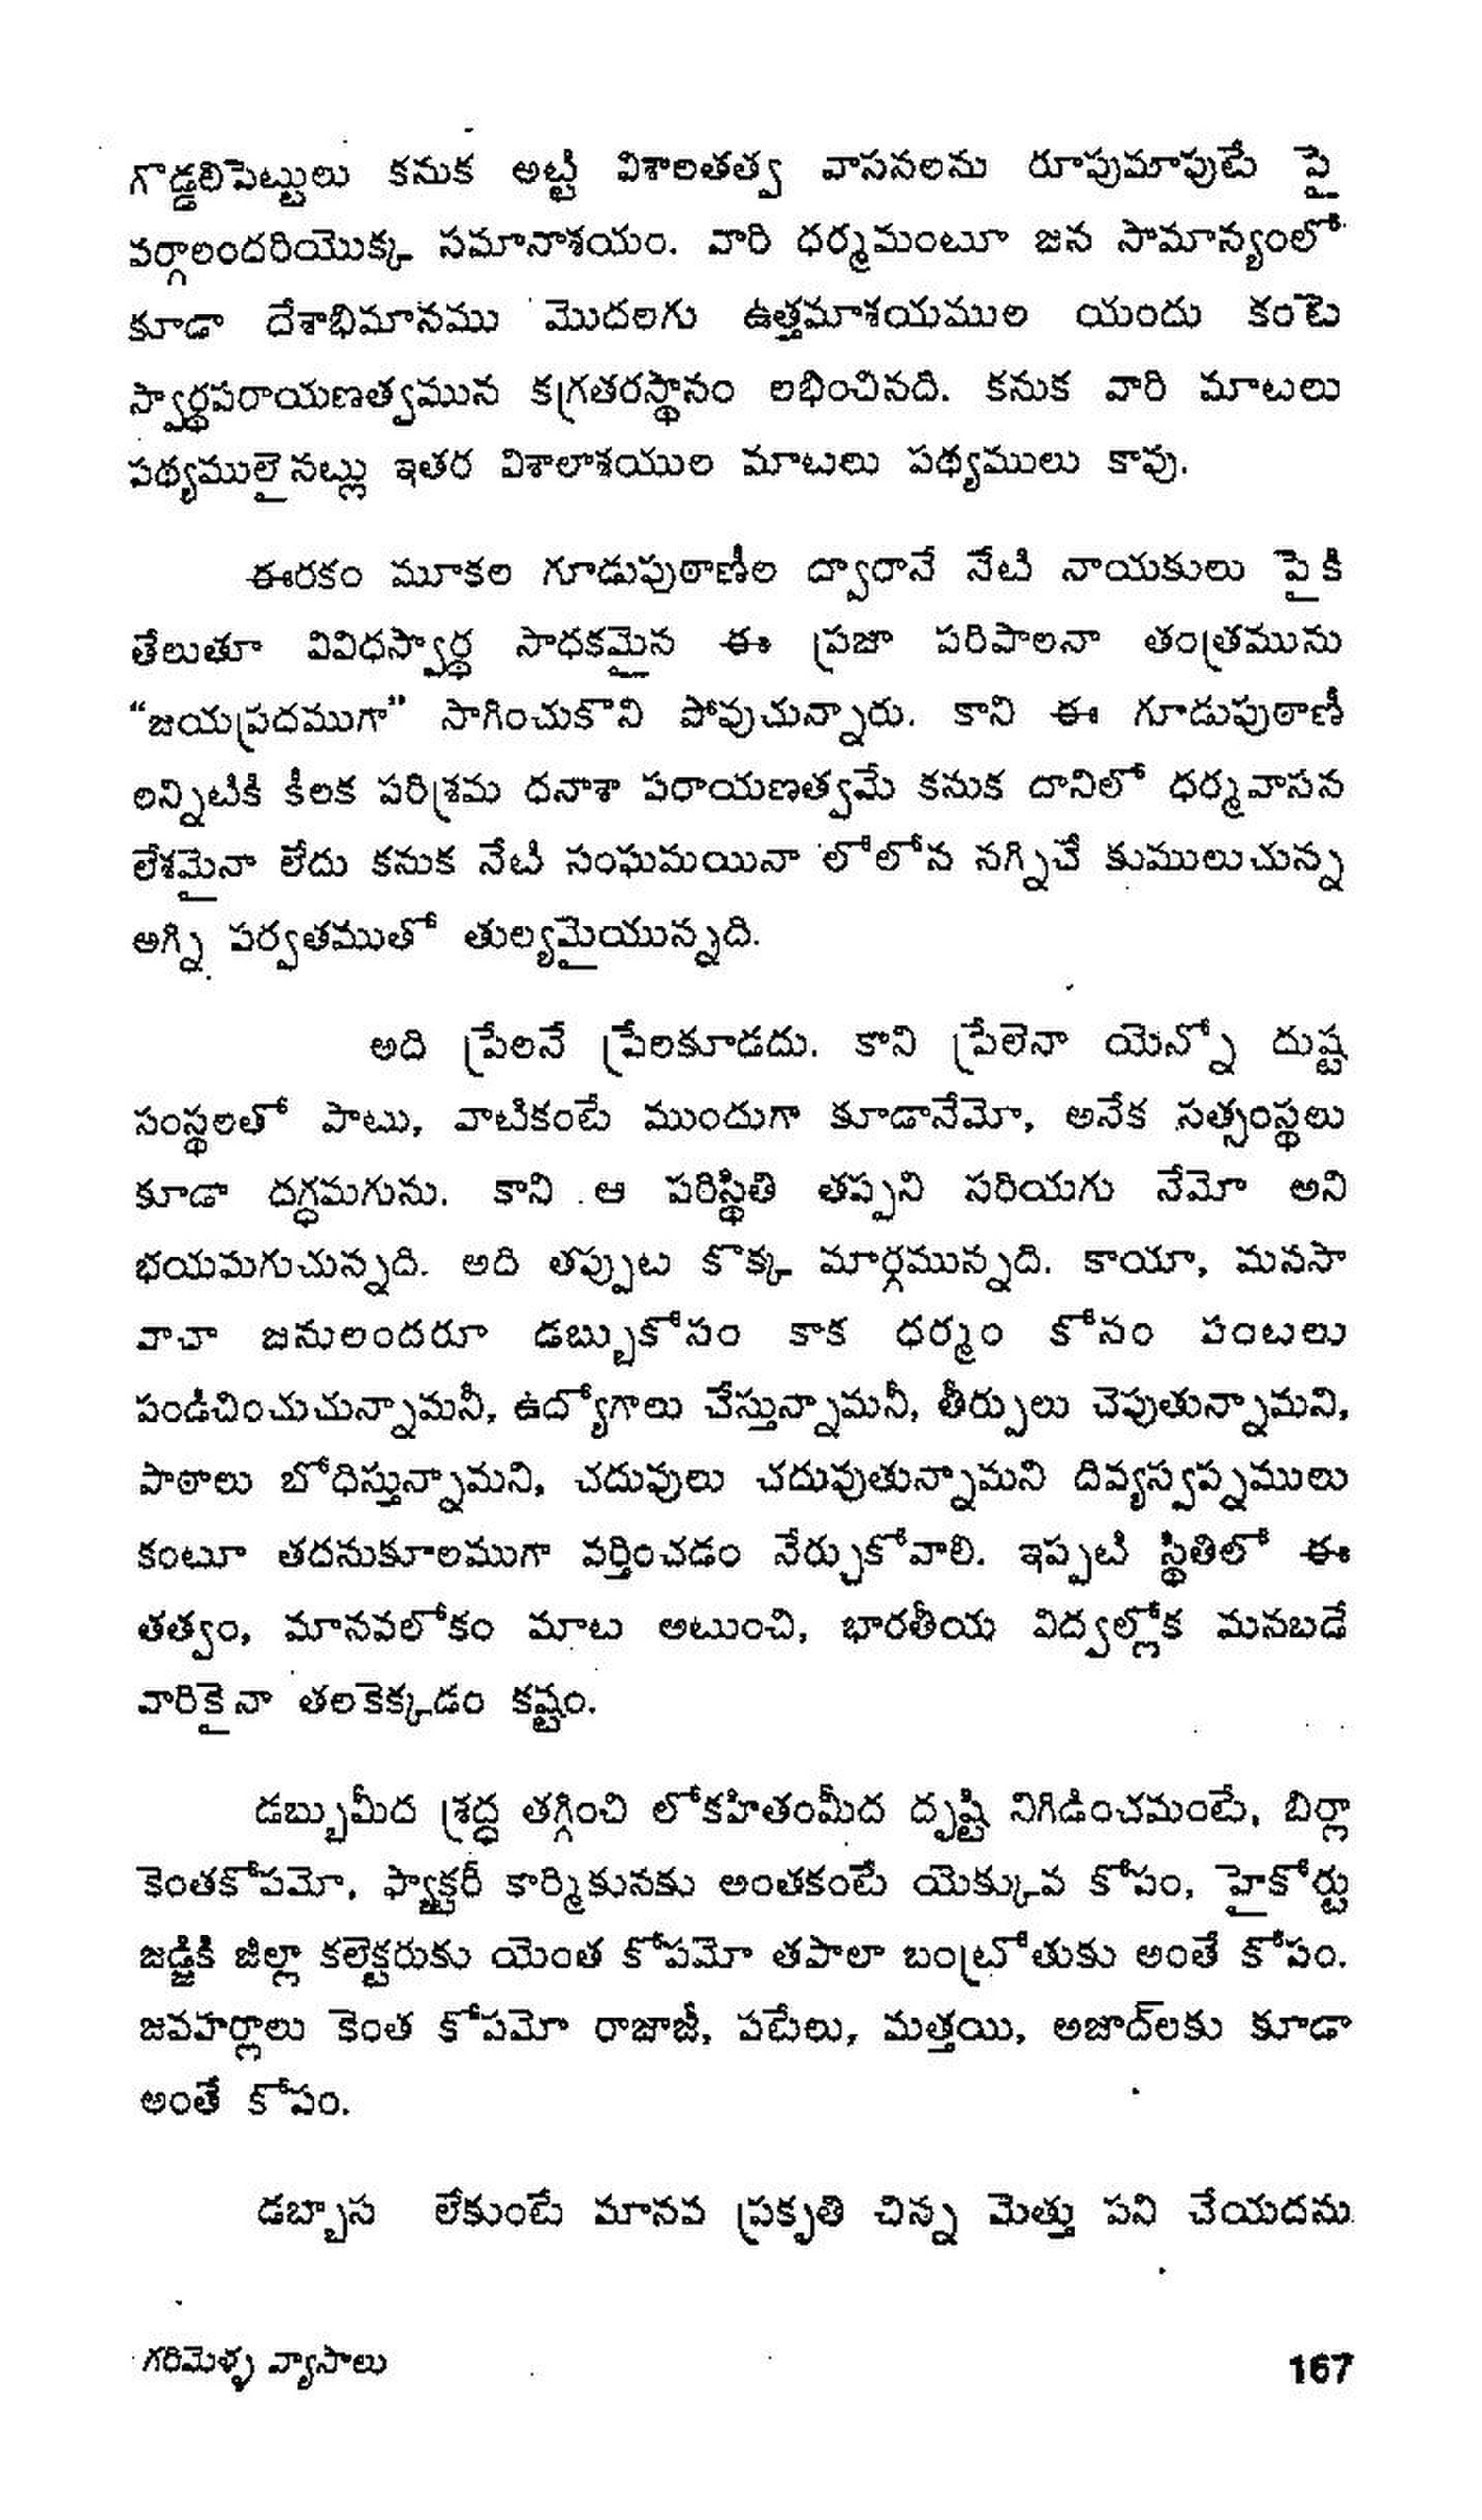గొడ్డలిపెట్టులు కనుక అట్టి విశాలతత్వ వాసనలను రూపుమాపుటే పై వర్గాలందరియొక్క సమానాశయం. వారి ధర్మమంటూ జన సామాన్యంలో కూడా దేశాభిమానము మొదలగు ఉత్తమాశయముల యందు కంటె స్వార్థపరాయణత్వమున కగ్రతరస్థానం లభించినది. కనుక వారి మాటలు పథ్యములైనట్లు ఇతర విశాలాశయుల మాటలు పథ్యములు కావు.

ఈరకం మూకల గూడుపుఠాణీల ద్వారానే నేటి నాయకులు పైకి తేలుతూ వివిధస్వార్థ సాధకమైన ఈ ప్రజా పరిపాలనా తంత్రమును "జయప్రదముగా" సాగించుకొని పోవుచున్నారు. కాని ఈ గూడుపుఠాణీ లన్నిటికి కీలక పరిశ్రమ ధనాశా పరాయణత్వమే కనుక దానిలో ధర్మవాసన లేశమైనా లేదు కనుక నేటి సంఘమయినా లోలోన నగ్నిచే కుములుచున్న అగ్ని పర్వతముతో తుల్యమైయున్నది.

అది ప్రేలనే ప్రేలకూడదు. కాని ప్రేలినా యెన్నో దుష్ట సంస్థలతో పాటు, వాటికంటే ముందుగా కూడానేమో, అనేక సత్సంస్థలు కూడా దగ్ధమగును. కాని ఆ పరిస్థితి తప్పని సరియగు నేమో అని భయమగుచున్నది. అది తప్పుట కొక్క మార్గమున్నది. కాయా, మనసా వాచా జనులందరూ డబ్బుకోసం కాక ధర్మం కోసం పంటలు పండించుచున్నామనీ, ఉద్యోగాలు చేస్తున్నామనీ, తీర్పులు చెపుతున్నామని, పాఠాలు బోధిస్తున్నామని, చదువులు చదువుతున్నామనీ, దివ్యస్వప్నములు కంటూ తదనుకూలముగా వర్తించడం నేర్చుకోవాలి. ఇప్పటి స్థితిలో ఈ తత్వం, మానవలోకం మాట అటుంచి, భారతీయ విద్వల్లోక మనబడే వారికైనా తలకెక్కడం కష్టం.

డబ్బుమీద శ్రద్ధ తగ్గించి లోకహితంమీద దృష్టి నిగిడించమంటే, బిర్లాకెంతకోపమో, ఫ్యాక్టరీ కార్మికునకు అంతకంటే యెక్కువ కోపం. హైకోర్టు జడ్జికి జిల్లా కలెక్టరుకు యెంత కోపమో తపాలా బంట్రోతుకు అంతే కోపం. జవహర్లాలు కెంత కోపమో రాజాజీ, పటేలు, మత్తయి, అజాద్‌లకు కూడా అంతే కోపం
 
డబ్బాస లేకుంటే మానవ ప్రకృతి చిన్న మెత్తు పని చేయదను